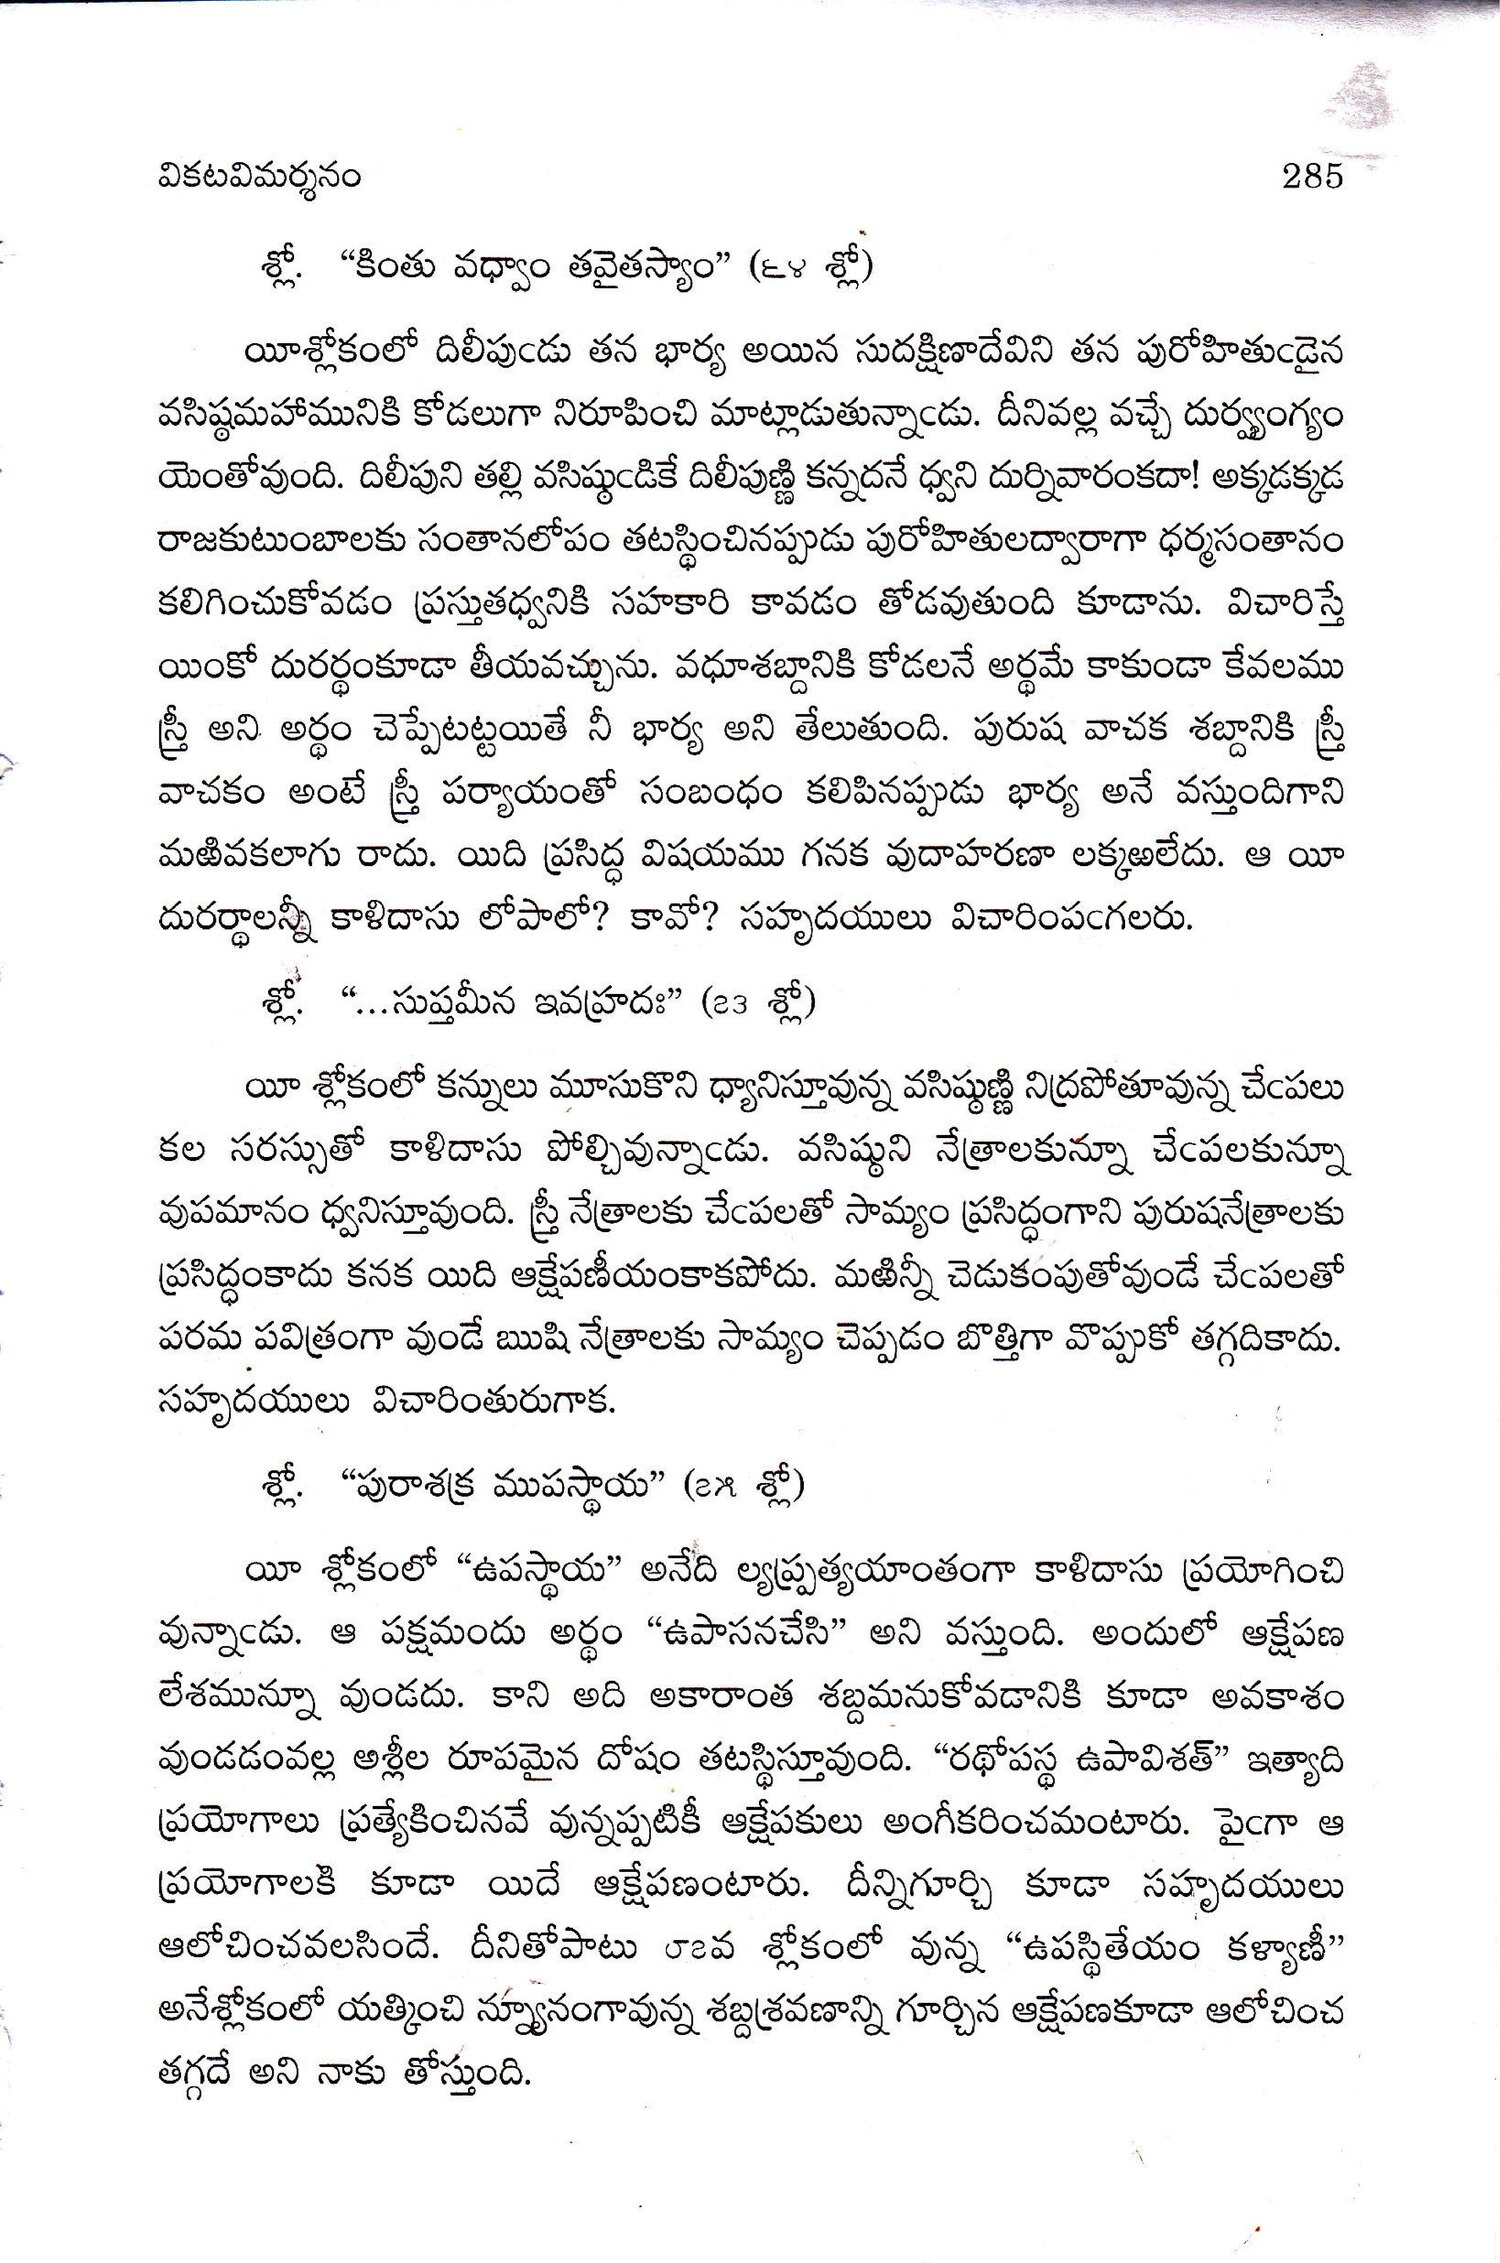శ్లో. "కింతు వధ్వాం తవైతస్యాం" (64 శ్లో)
యీశ్లోకంలో దిలీపుఁడు తన భార్య అయిన సుదక్షిణాదేవిని తన పురోహితుఁడైన వసిష్ఠమహామునికి కోడలుగా నిరూపించి మాట్లాడుతున్నాఁడు. దీనివల్ల వచ్చే దుర్వ్యంగ్యం యెంతోవుంది. దిలీపుని తల్లి వసిష్ఠుఁడికే దిలీపుణ్ణి కన్నదనే ధ్వని దుర్నివారంకదా! అక్కడక్కడ రాజకుటుంబాలకు సంతానలోపం తటస్థించినప్పుడు పురోహితులద్వారాగా ధర్మసంతానం కలిగించుకోవడం ప్రస్తుతధ్వనికి సహకారి కావడం తోడవుతుంది కూడాను. విచారిస్తే యింకో దురర్థంకూడా తీయవచ్చును. వధూశబ్దానికి కోడలనే అర్ధమే కాకుండా కేవలము స్త్రీ అని. అర్థం చెప్పేటట్టయితే నీ భార్య అని తేలుతుంది. పురుష వాచక శబ్దానికి స్త్రీ వాచకం అంటే స్త్రీ పర్యాయంతో సంబంధం కలిపినప్పుడు భార్య అనే వస్తుందిగాని మఱివకలాగు రాదు. యిది ప్రసిద్ధ విషయము గనక వుదాహరణా లక్కఱలేదు. ఆ యీ దురర్ధాలన్నీ కాళిదాసు లోపాలో? కావో? సహృదయులు విచారింపఁగలరు.

శ్లో. "...సుప్తమీన ఇవహ్రదః" (73 శ్లో)
యీ శ్లోకంలో కన్నులు మూసుకొని ధ్యానిస్తూవున్న వసిష్ఠుణ్ణి నిద్రపోతూవున్న చేఁపలు కల సరస్సుతో కాళిదాసు పోల్చివున్నాఁడు. వసిష్ఠుని నేత్రాలకున్నూ చేఁపలకున్నూ వుపమానం ధ్వనిస్తూవుంది. స్త్రీ నేత్రాలకు చేఁపలతో సామ్యం ప్రసిద్ధంగాని పురుషనేత్రాలకు ప్రసిద్ధంకాదు కనక యిది ఆక్షేపణీయంకాకపోదు. మఱిన్నీ చెడుకంపుతోవుండే చేఁపలతో పరమ పవిత్రంగా వుండే ఋషి నేత్రాలకు సామ్యం చెప్పడం బొత్తిగా వొప్పుకో తగ్గదికాదు. సహృదయులు విచారింతురుగాక.

శ్లో. "పురాశక్ర ముపస్థాయ" (75 శ్లో)
యీ శ్లోకంలో "ఉపస్థాయ" అనేది ల్యప్ప్రత్యయాంతంగా కాళిదాసు ప్రయోగించి వున్నాఁడు. ఆ పక్షమందు అర్ధం “ఉపాసనచేసి" అని వస్తుంది. అందులో ఆక్షేపణ లేశమున్నూ వుండదు. కాని అది అకారాంత శబ్దమనుకోవడానికి కూడా అవకాశం వుండడంవల్ల అల్లీల రూపమైన దోషం తటస్థిస్తూవుంది. "రథోపస్థ ఉపావిశత్" ఇత్యాది ప్రయోగాలు ప్రత్యేకించినవే వున్నప్పటికీ ఆక్షేపకులు అంగీకరించమంటారు. పైఁగా ఆ ప్రయోగాలకి కూడా యిదే ఆక్షేపణంటారు. దీన్నిగూర్చి కూడా సహృదయులు ఆలోచించవలసిందే. దీనితోపాటు 87వ శ్లోకంలో వున్న “ఉపస్థితేయం కళ్యాణీ" అనేశ్లోకంలో యత్కించి న్న్యూనంగావున్న శబ్దశ్రవణాన్ని గూర్చిన ఆక్షేపణకూడా ఆలోచించ తగ్గదే అని నాకు తోస్తుంది.